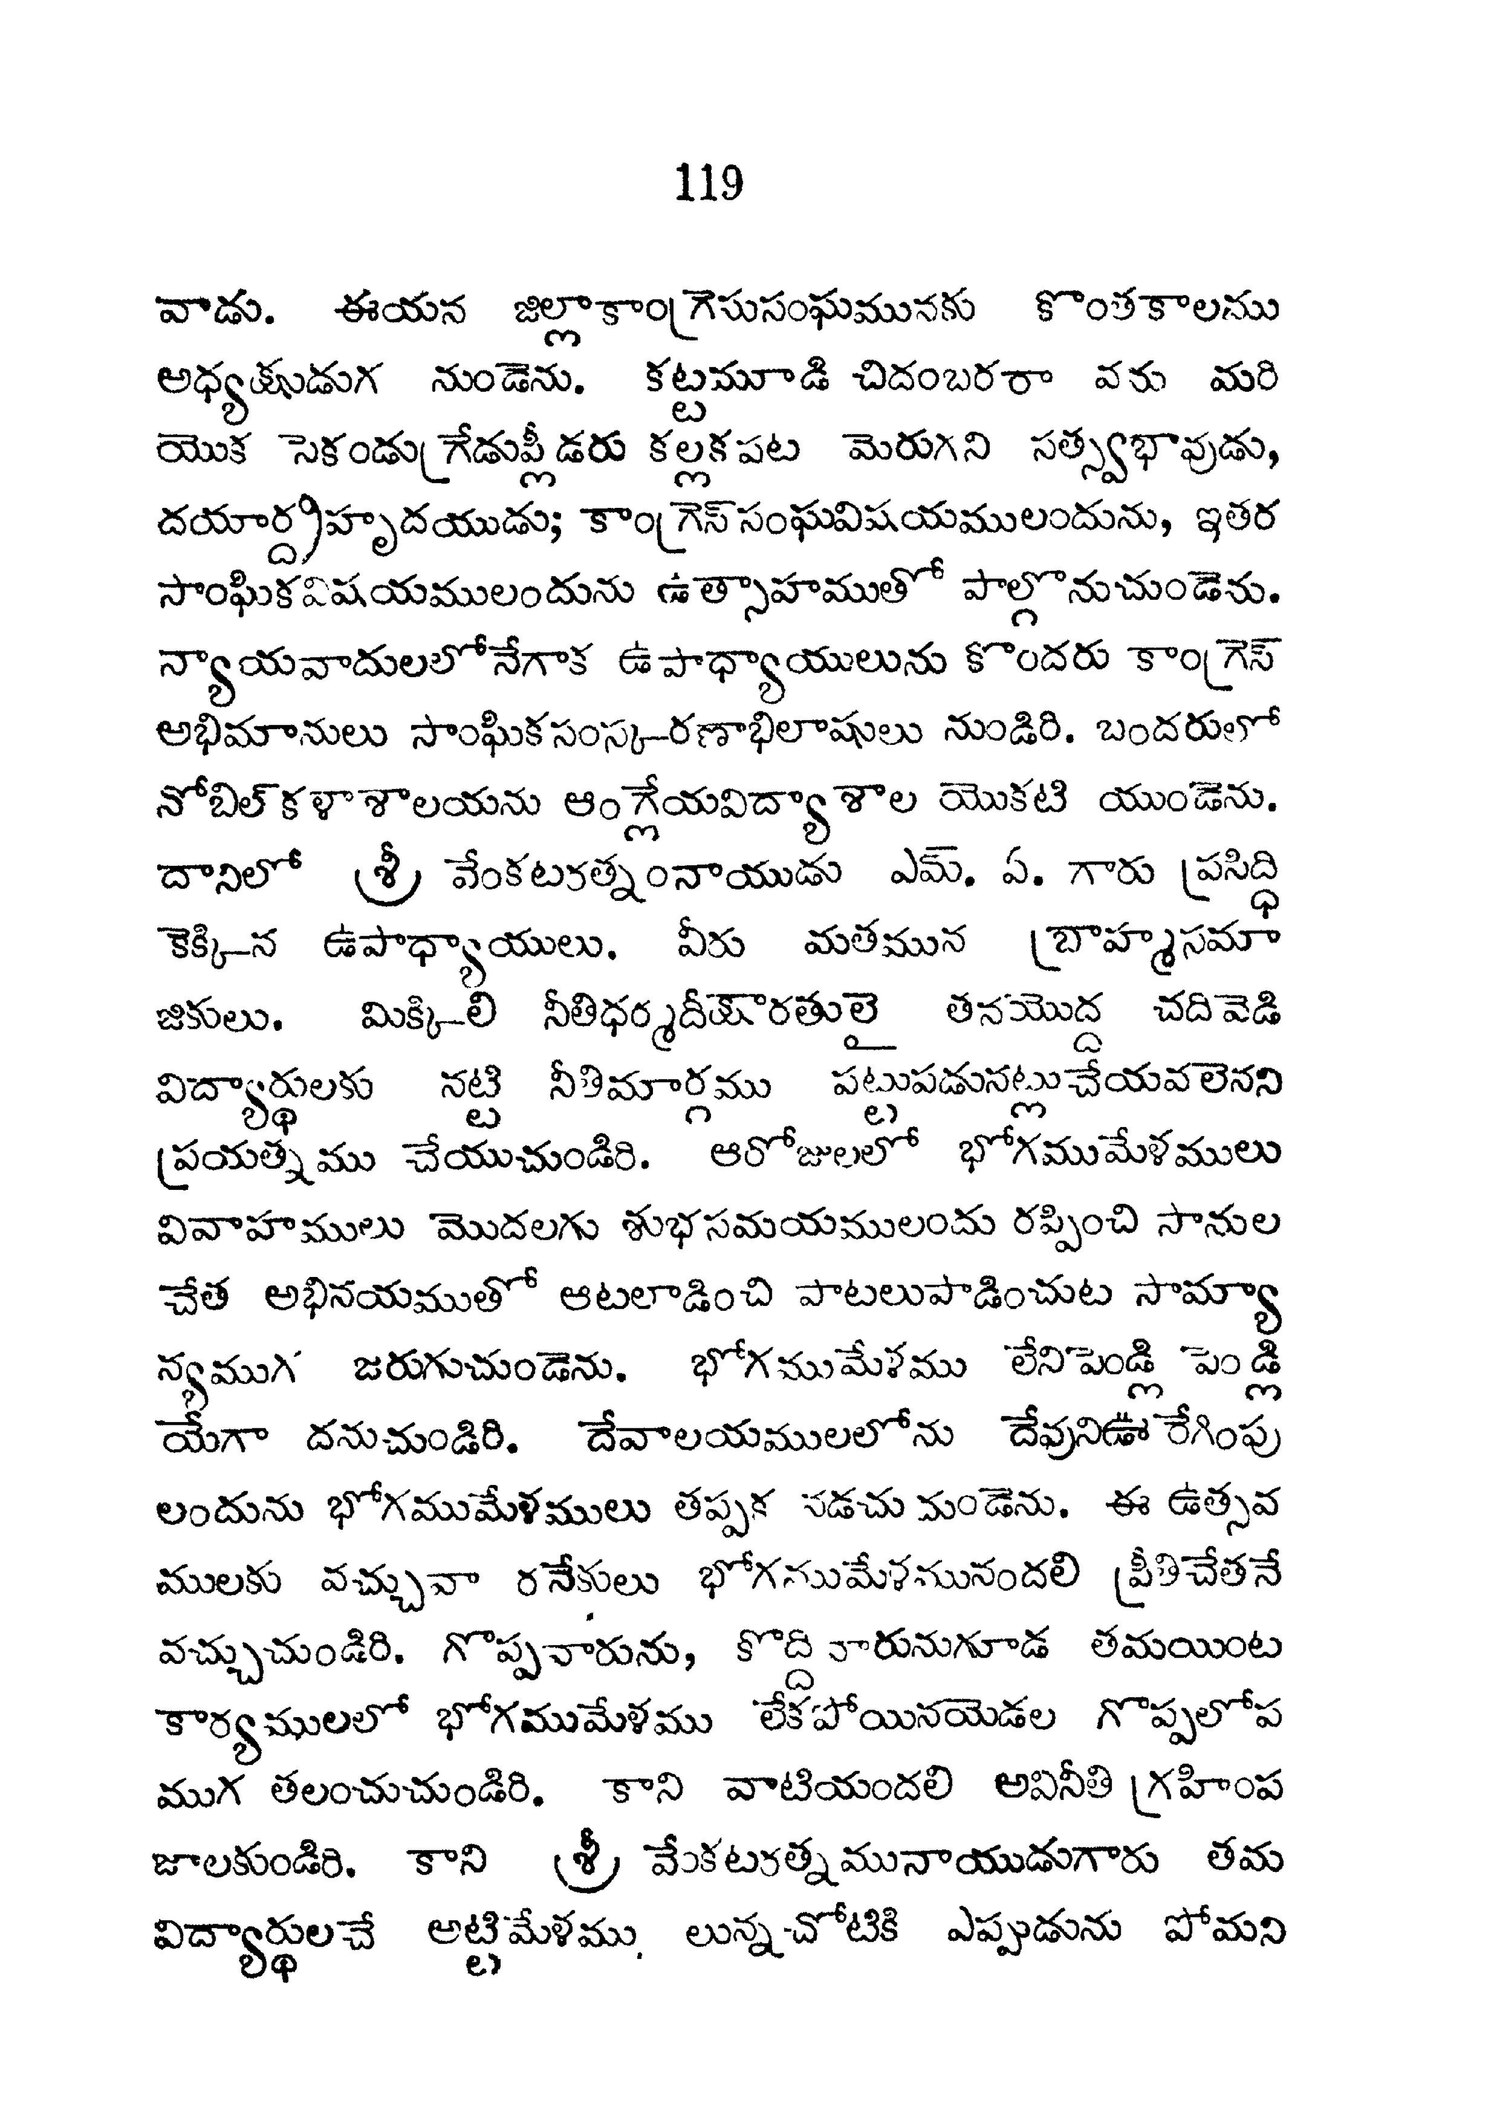వాడు. ఈయన జిల్లాకాంగ్రెసుసంఘమునకు కొంతకాలము అధ్యక్షుడుగ నుండెను. కట్టమూడి చిదంబరరా వను మరియొక సెకండుగ్రేడుప్లీడరు కల్లకపట మెరుగని సత్స్వభావుడు, దయార్ద్రహృదయుడు; కాంగ్రెస్‌సంఘవిషయములందును, ఇతర సాంఘికవిషయములందును ఉత్సాహముతో పాల్గొనుచుండెను. న్యావాదులలోనేగాక ఉపాధ్యాయులును కొందరు కాంగ్రెస్ అభిమానులు సాంఘికసంస్కరణాభిలాషులు నుండిరి. బందరులో నోబిల్‌కళాశాలయను ఆంగ్లేయవిద్యాశాల యొకటి యుండెను. దానిలో శ్రీ వేంకటరత్నంనాయుడు ఎం. ఏ. గారు ప్రసిద్ధికెక్కిన ఉపాధ్యాయులు. వీరు మతమున బ్రాహ్మసమాజికులు. మిక్కిలి నీతిధర్మదీక్షారతులై తనయొంద్ద చదివెడి విద్యార్థులకు నట్టి నీతిమార్గము పట్టుపడునట్లుచేయవలెనని ప్రయత్నము చేయుచుండిరి. ఆరోజులలో భోగముమేళములు వివాహములు మొదలగు శుభసమయములందు రప్పించి సానులచేత అభినయముతో ఆటలాడించి పాటలుపాడించుట సామాన్యముగ జరుగుచుండెను. భోగముమేళము లేనిపెండ్లి పెండ్లియేగా దనుచుండిరి. దేవాలయములలోను దేవునిఊరేగింపులందును భోగముమేళములు తప్పక నడచుచుండెను. ఈ ఉత్సవములకు వచ్చువా రనేకులు భోగముమేళమునందలి ప్రీతిచేతనే వచ్చుచుండిరి. గొప్పవారును, కొద్దివారునుగూడ తమయింట కార్యములలో భోగముమేళము లేకపోయినయెడల గొప్పలోపముగ తలంచుచుండిరి. కాని వాటియందలి అవినీతి గ్రహింపజాలకుండిరి. కాని శ్రీ వేంకటరత్నమునాయుడుగారు తమ విద్యార్థులచే అట్టిమేళము లున్నచోటికి ఎప్పుడును పోమని